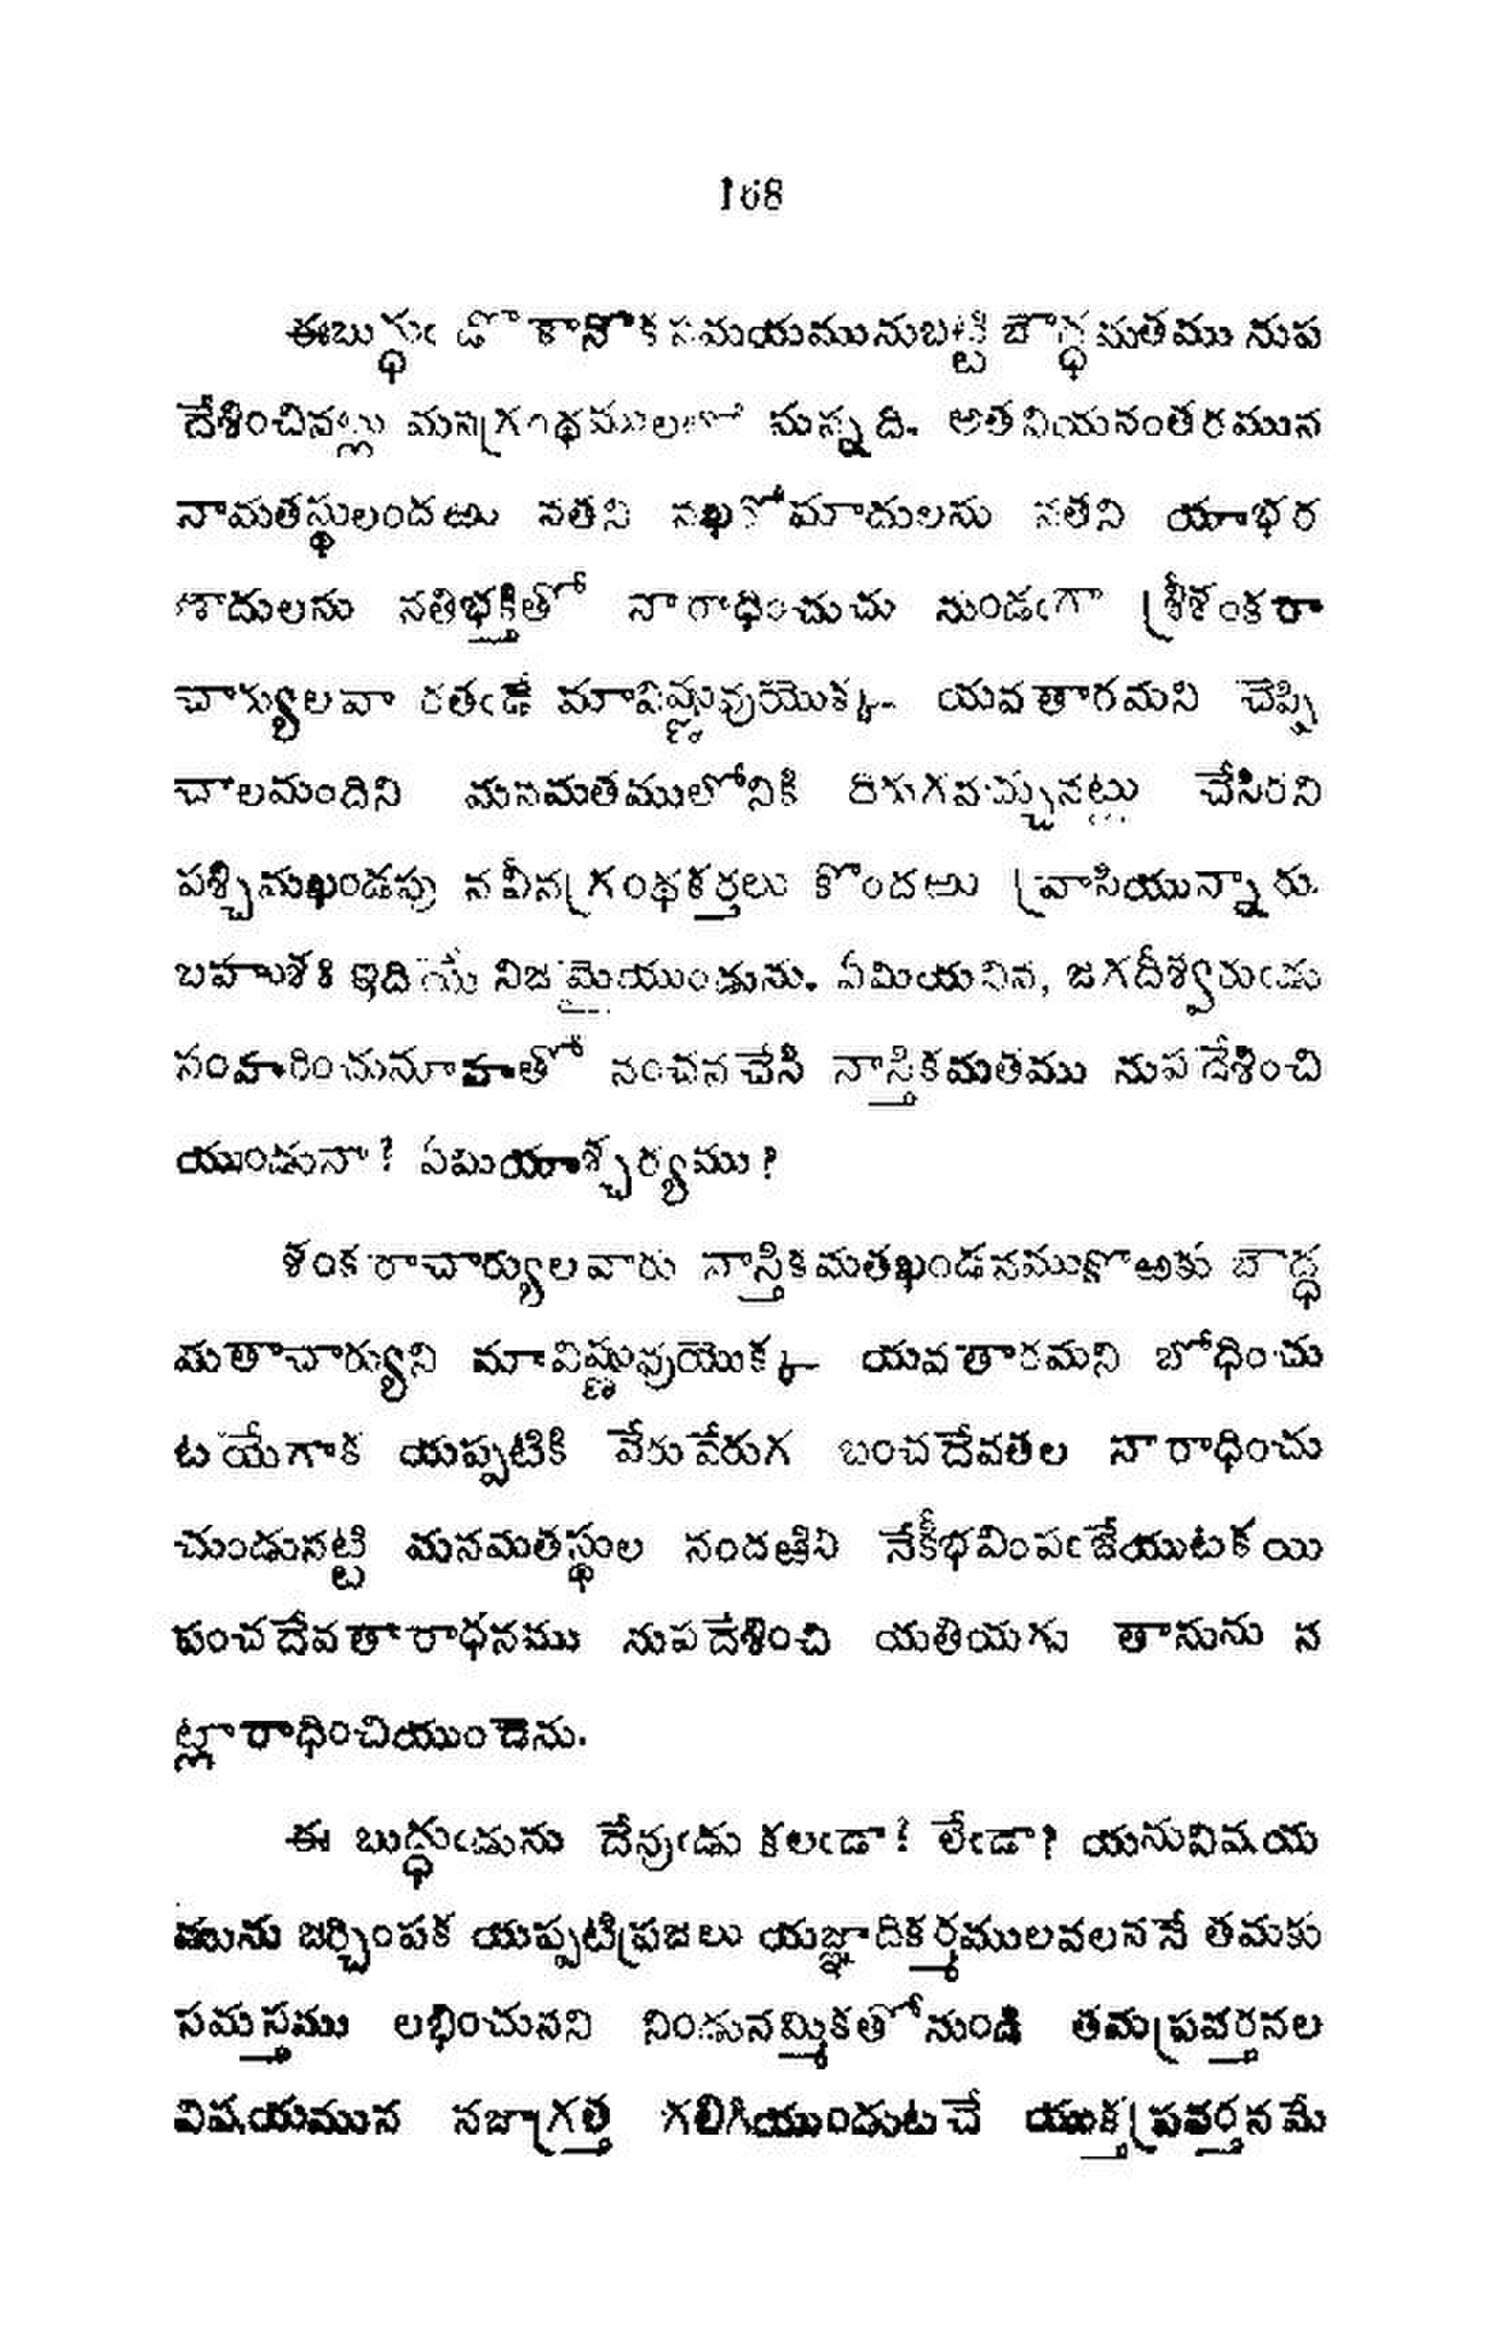ఈబుద్ధుఁ డొకానొకసమయమునుబట్టి బౌద్ధమతము నుపదేశించినట్లు మనగ్రంథములలో నున్నది. అతనియనంతరమున నామతస్థులందఱు నతని నఖరోమాదులను నతని యాభరణాదులను నతిభక్తితో నారాధించుచు నుండఁగా శ్రీశంకరాచార్యులవా రతఁడే మావిష్ణువుయొక్క, యవతారమని చెప్పి చాలమందిని మనమతములోనికి దిరుగవచ్చునట్లు చేసిరని పశ్చిమఖండపు నవీనగ్రంథకర్తలు కొందఱు వ్రాసియున్నారు. బహుశః ఇదియే నిజమైయుండును. ఏమియనిన, జగదీశ్వరుఁడు
సంహరించునూహతో వంచనచేసి నాస్తికమతము నుపదేశించి యుండునా ! ఏమియాశ్చర్యము ?

శంకరాచార్యులవారు నాస్తికమతఖండనముకొఱకు బౌద్ధమతాచార్యుని మావిష్ణువుయొక్క యవతారమని బోధించుటయేగాక యప్పటికి వేరువేరుగ బంచదేవతల నారాధించు చుండునట్టి మనమతస్థుల నందఱిని నేకీభవింపఁజేయుటకయి పంచదేవతారాధనము నుపదేశించి యతియగు తానును నట్లారాధించియుండెను.

ఈ బుద్ధుఁడును దేవుఁడు కలఁడా! లేఁడా? యనువిషయమును జర్చింపక యప్పటిప్రజలు యజ్ఞాదికర్మములవలననే తమకు సమస్తము లభించునని నిండునమ్మికతోనుండి తమప్రవర్తనల
విషయమున నజాగ్రత్త గలిగియుండుటచే యుక్తప్రవర్తనమే